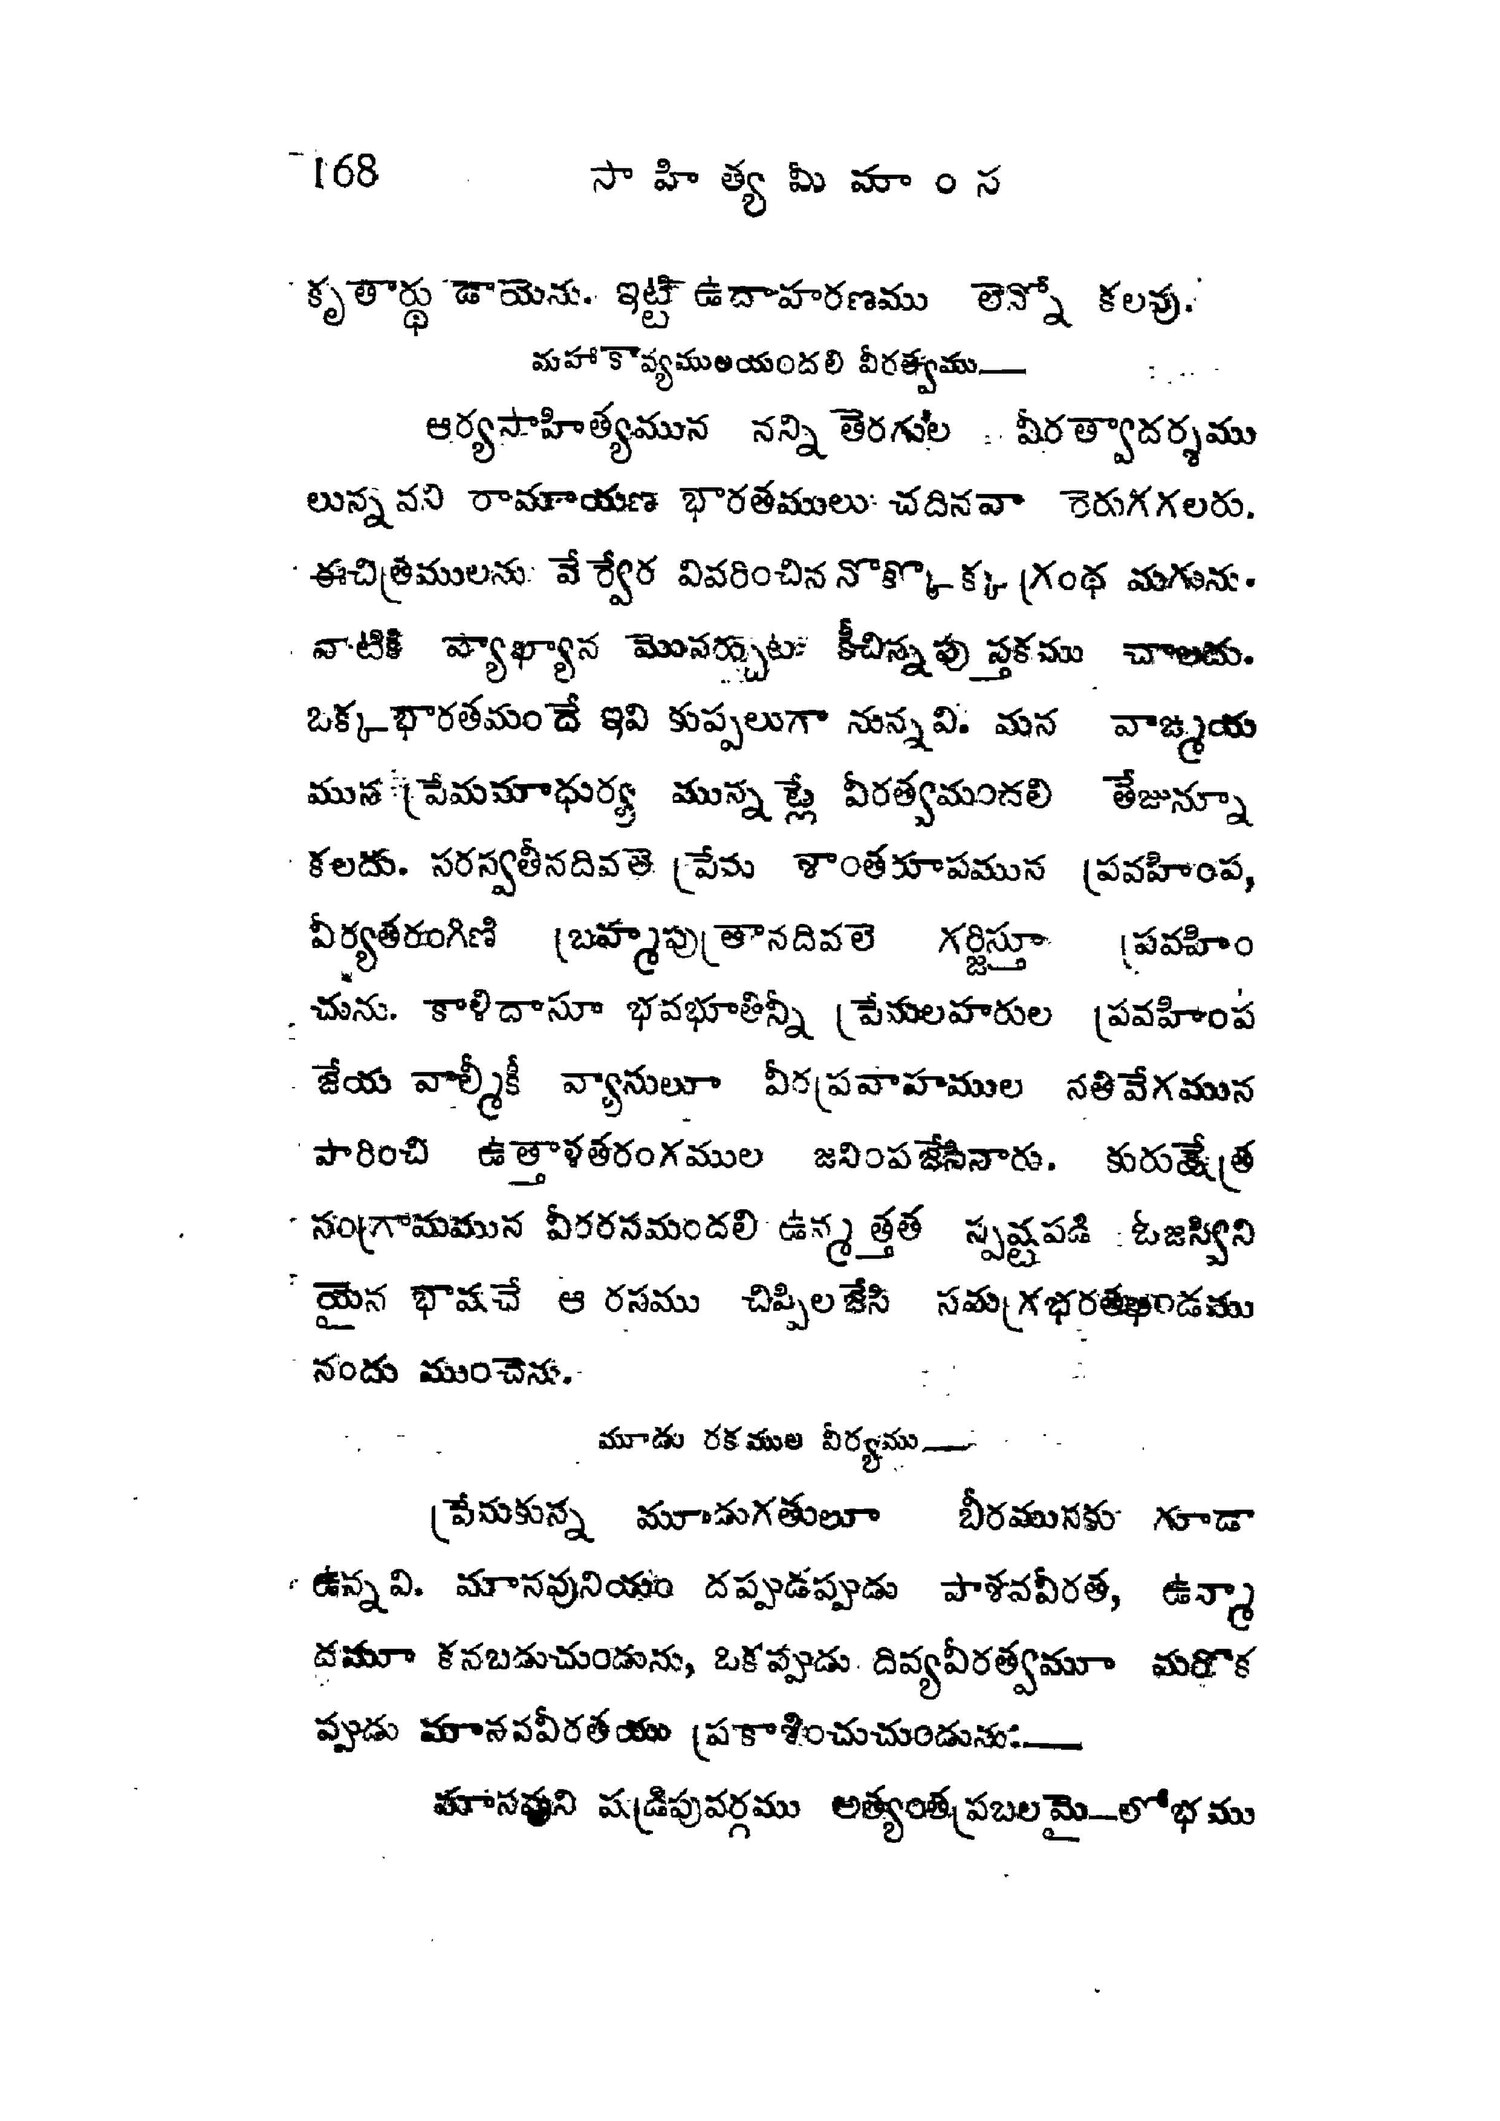కృతార్థు డాయెను. ఇట్టి ఉదాహరణము లెన్నో కలవు.

ఆర్యసాహిత్యమున నన్ని తెరగుల వీరత్వాదర్శము లున్నవని రామాయణ భారతములు చదివినా రెరుగగలరు. ఈచిత్రములను వేర్వేర వివరించిన నొక్కొక్కగ్రంథ మగును. వాటికి వ్యాఖ్యాన మొనర్చుట కీచిన్నపుస్తకము చాలదు. ఒక్కభారతమందే ఇవి కుప్పలుగా నున్నవి. మన వాఙ్మయమున ప్రేమమాధుర్య మున్నట్లే వీరత్వమందలి తేజుస్నూ కలదు. సరస్వతీనదివలె ప్రేమ శాంతరూపమున ప్రవహింప, వీర్యతరుంగిణి బ్రహ్మపుత్రానదివలె గర్జిస్తూ ప్రవహించును. కాళిదాసూ భవభూతిన్నీ ప్రేమలహరుల ప్రవహింప జేయ వాల్మీకీ వ్యాసులూ వీరప్రవాహముల నతివేగమున పారించి ఉత్తాళతరంగముల జనింపజేసినారు. కురుక్షేత్ర సంగ్రామమున వీరరసమందలి ఉన్మత్తత స్పష్టపడి ఓజస్విని యైన భాషచే ఆ రసము చిప్పిలజేసి సమగ్రభరతఖండమునందు ముంచెను.

ప్రేమకున్న మూడుగతులూ బీరమునకు గూడా ఉన్నవి. మానవునియం దప్పుడప్పుడు పాశవవీరత, ఉన్మాదమూ కనబడుచుండును, ఒకప్పుడు దివ్యవీరత్వమూ మరొకప్పుడు మానవవీరతయు ప్రకాశించుచుండును.

మానవుని షడ్రిపువర్గము అత్యంతప్రబలమై - లోభము